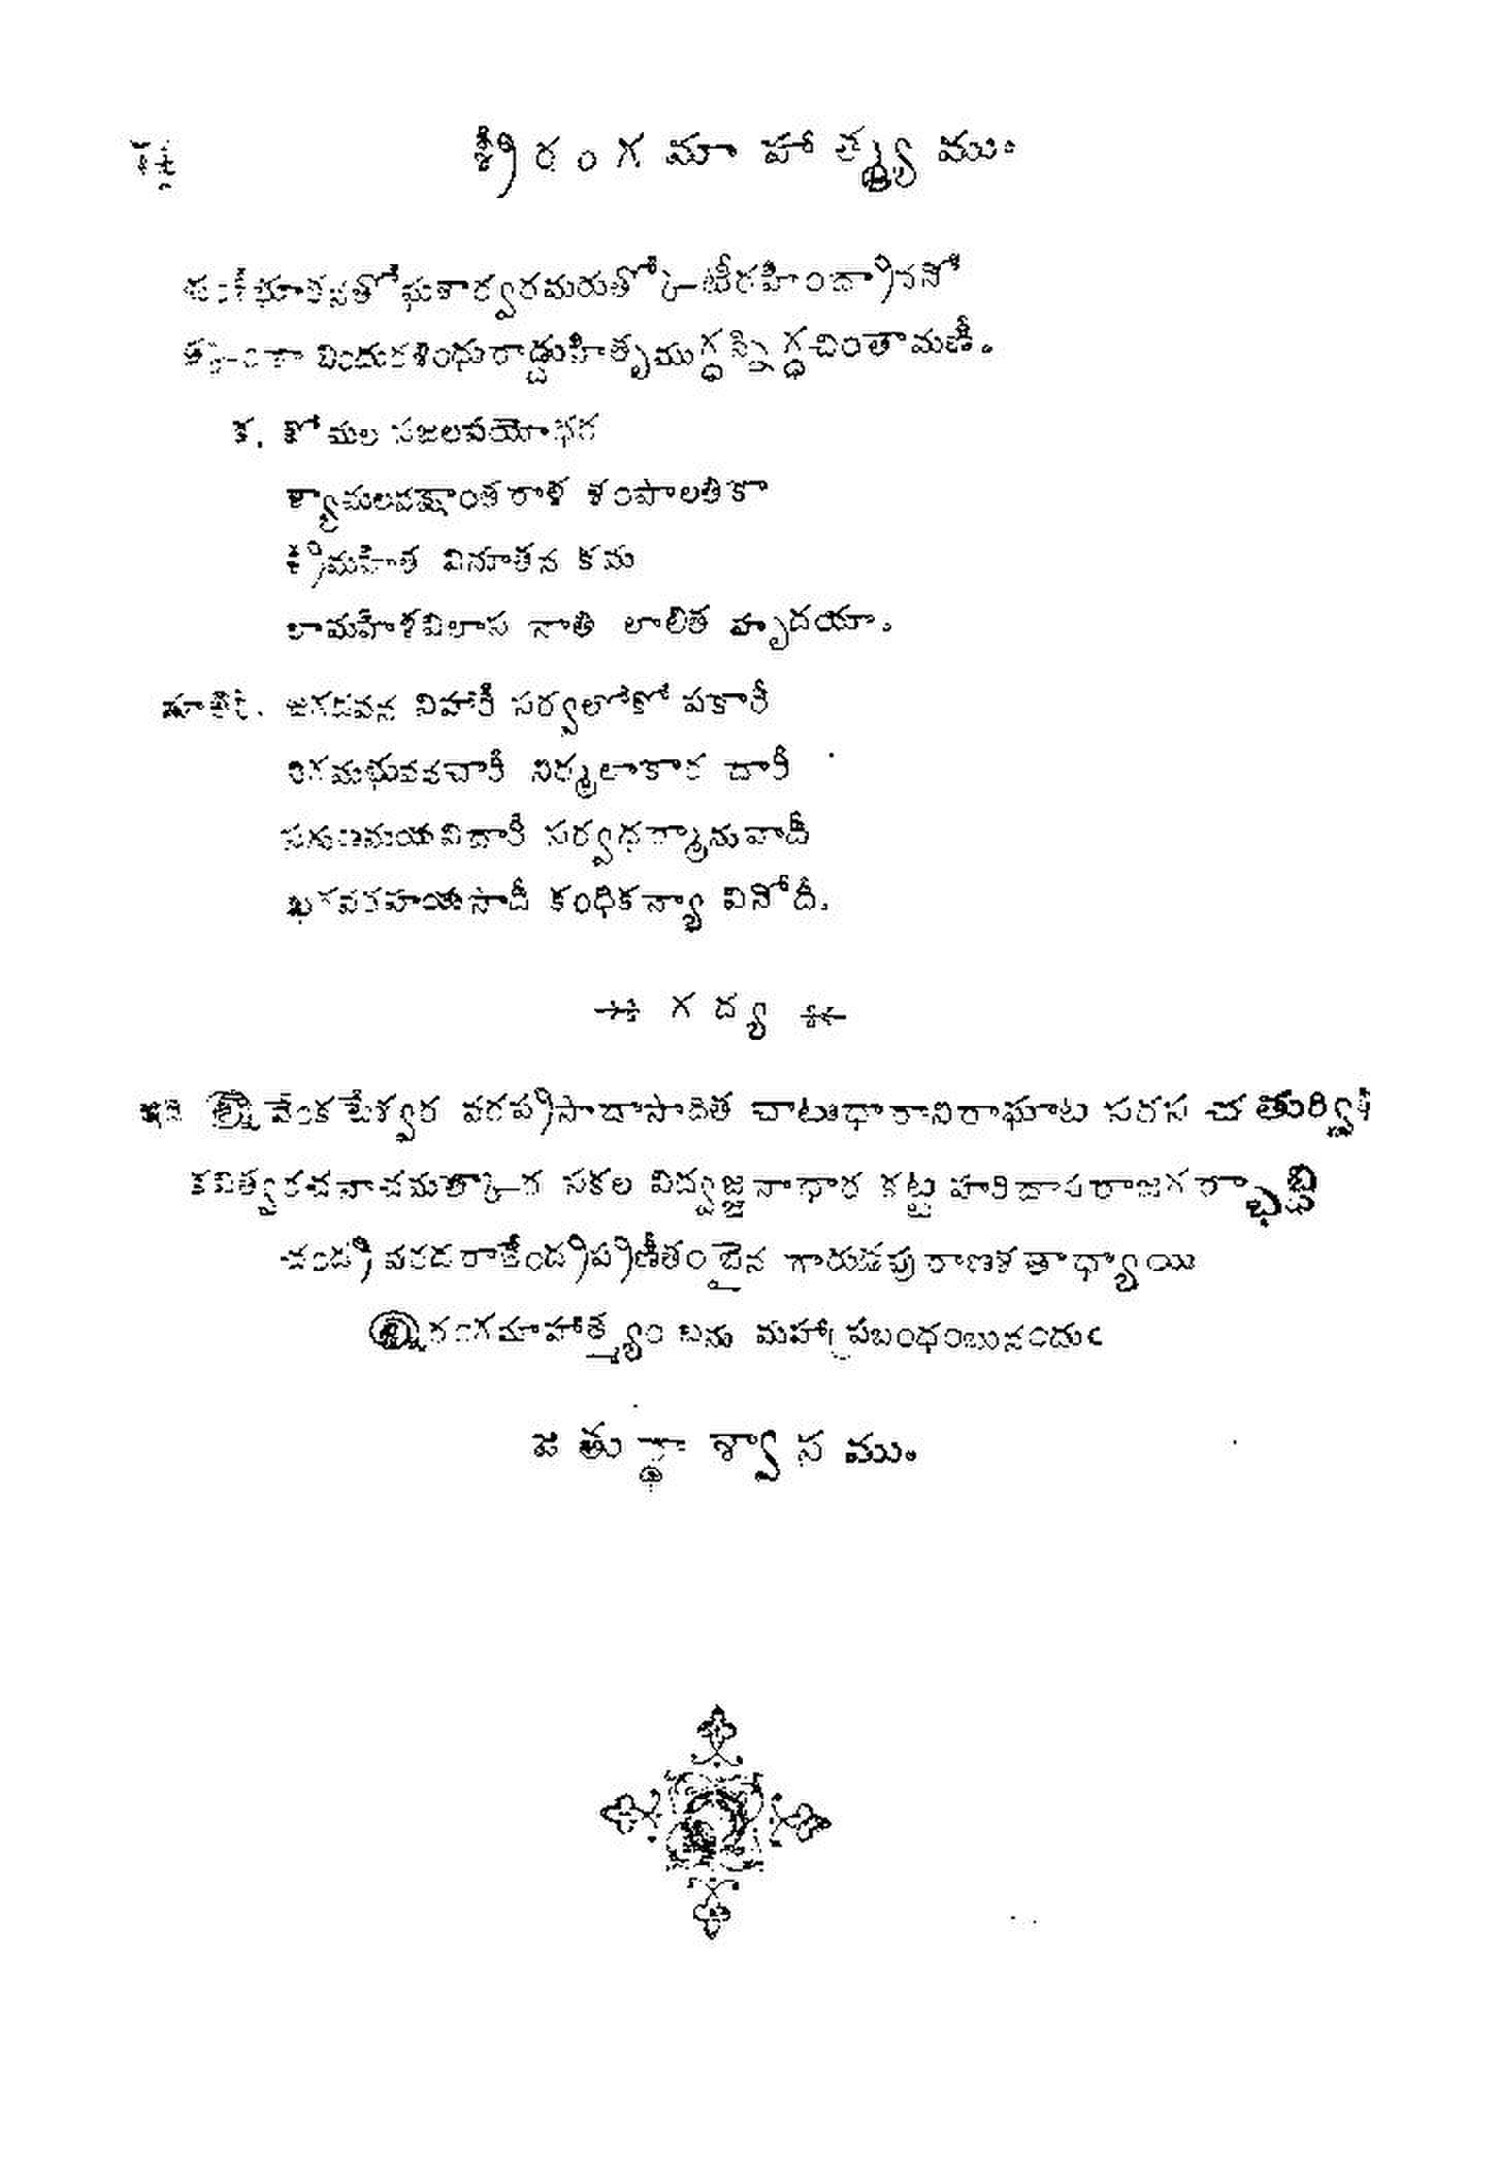సంఠీభూతనతోఘశార్వరమరుత్కోటీరహింద్రాననో
 త్కంఠాబిందురశింధురాడ్దుహితృముగ్ధస్నిగ్ధచింతామణీ.
క. కోమలసజలపయోధర
 శ్యామలపక్షాంతరాళ శంపాలతికా
 శ్రీమహిత వినూతన కమ
 లామహిళవిలాస నాతి లాలిత హృదయా.
మాలిని. జగదవనవిహారీ సర్వలోకోపకారీ
 నిగమభువనచారీ నిర్మలాకారదారీ
 సగుణమయవిదారీ సర్వధర్మానువాదీ
 ఖగవరహయసాదీ కంధికన్యావినోదీ.